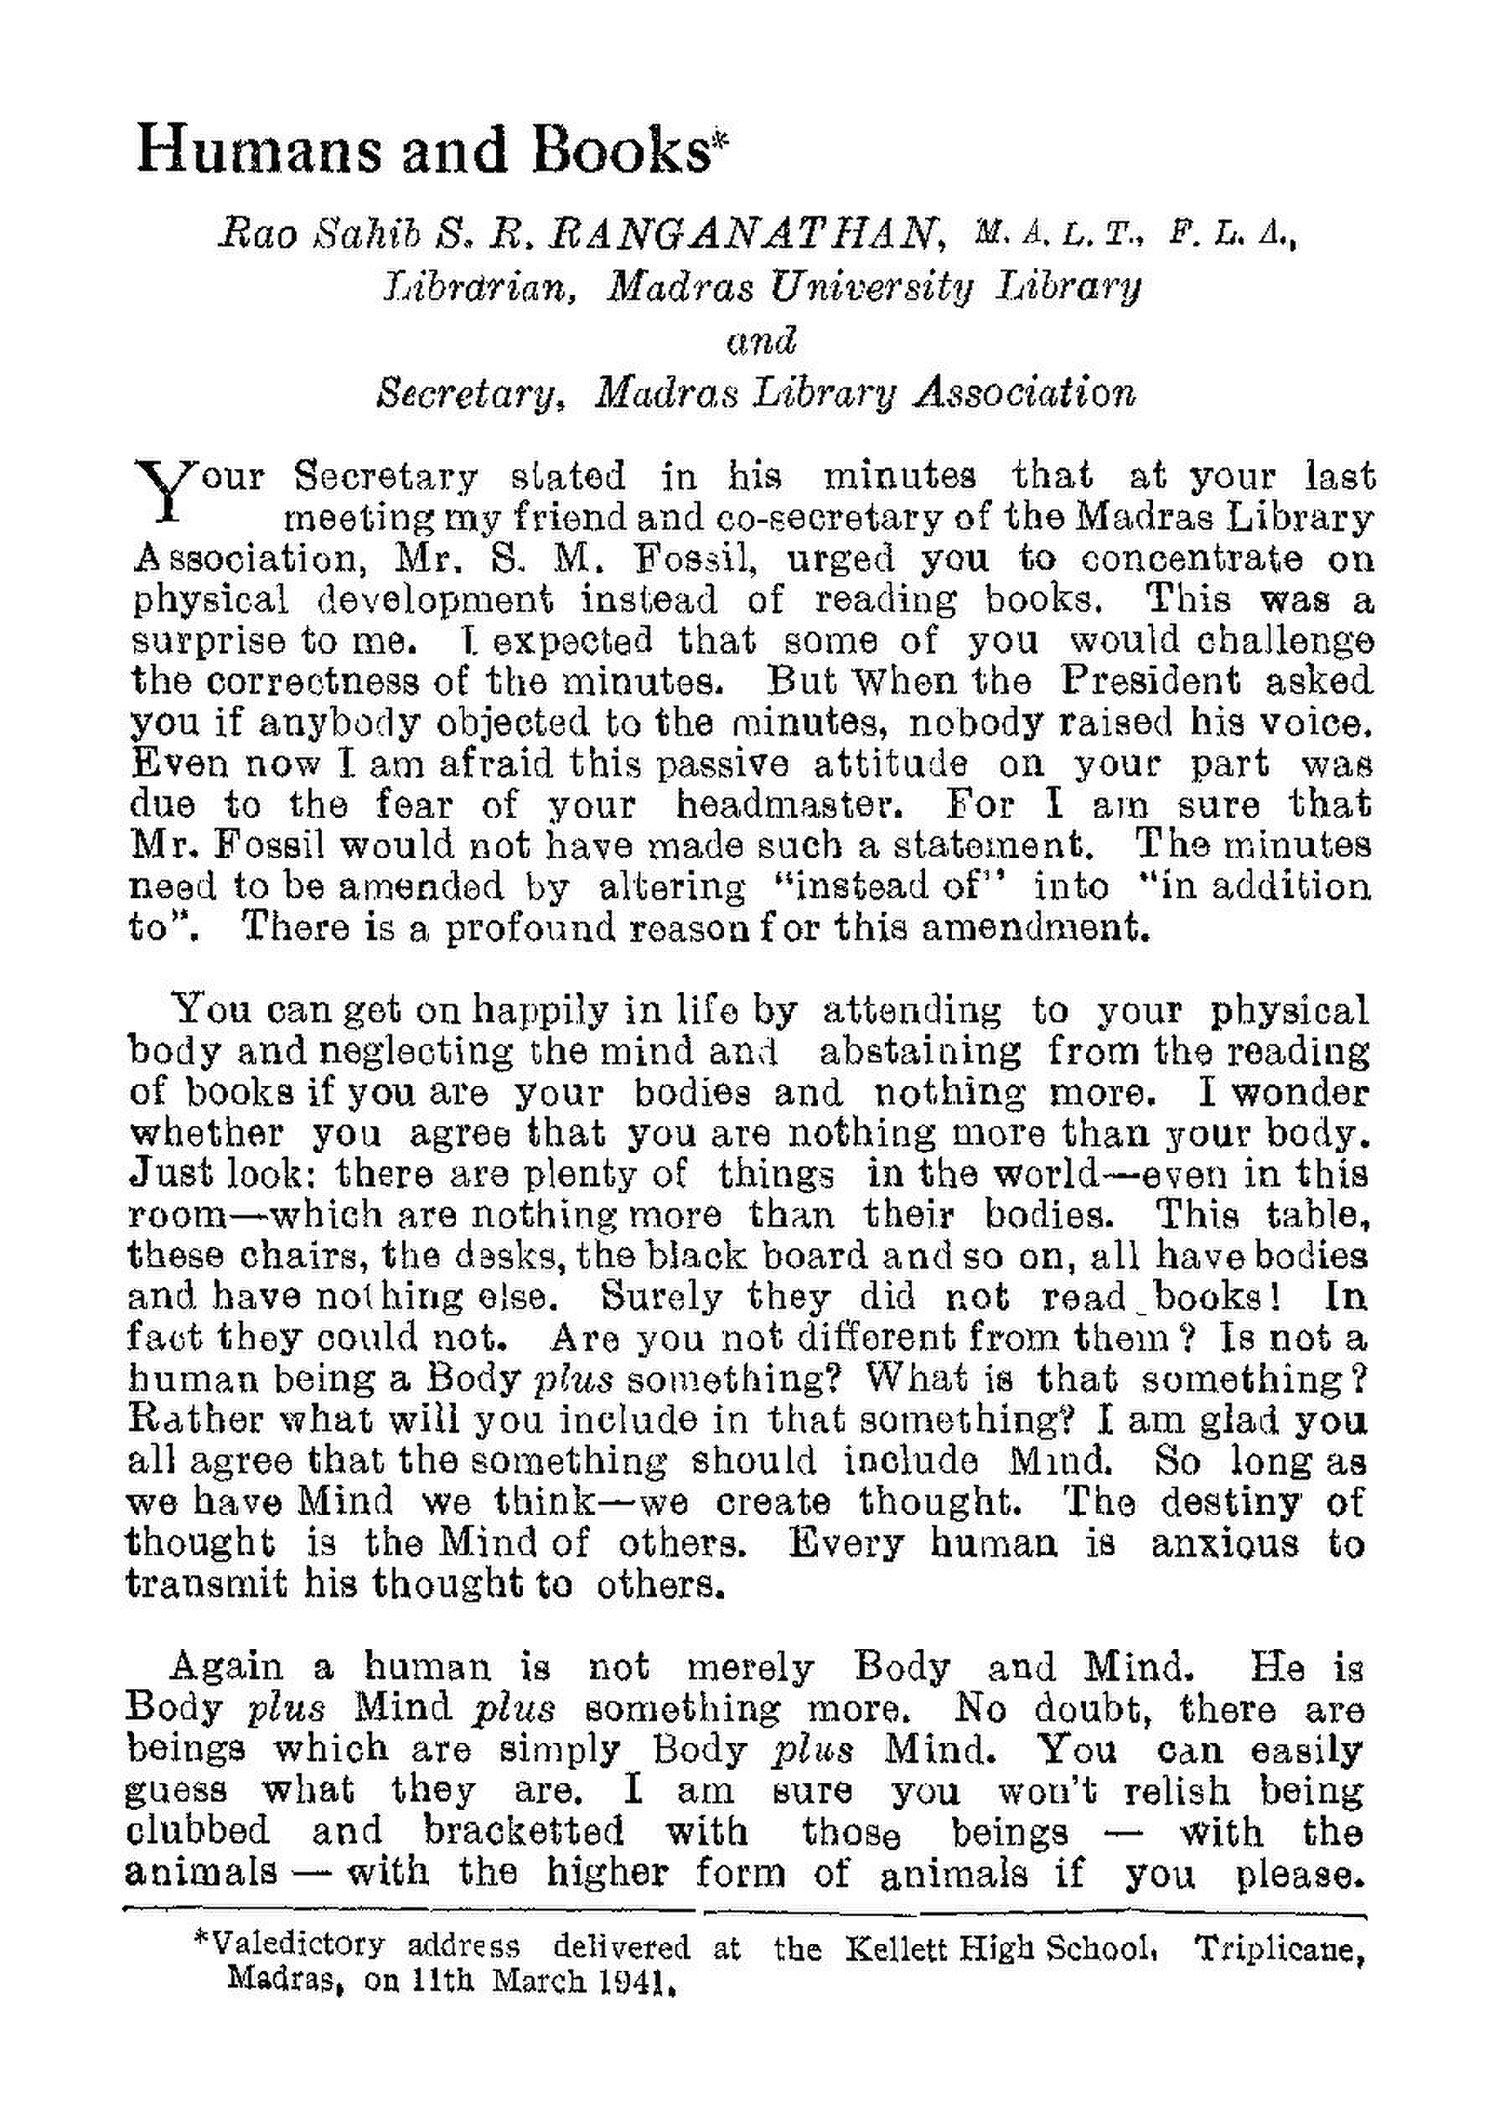Humans and Books
Your Secretary stated in his minutes that at your last meeting my friend and co-secretary of the Madras 
Library Association, Mr. S. M. Fossil, urged you to concentrate on physical development instead of reading 
books. This was a surprise to me. I expected that some of you would challenge the correctness of the 
minutes. But When the President asked you if anybody objected to the minutes, nobody raised his voice.
Even now I am afraid this passive attitude on your part was due to the fear of your headmaster. For 
I am sure that Mr. Fossil would not have made such a statement. The minutes need to be amended by altering 
"instead of" into "in addition to". There is a profound reason for this amendment.

You can get on happily in life by attending to your physical body and neglecting the mind and abstaining 
from the reading of books if you are your bodies and nothing more. I wonder whether you agree that you 
are nothing more than your body. Just look: there are plenty of things in the world-even in this room 
which are nothing more than their bodies. This table, these chairs, the desks, the black board and so on, 
all have bodies and have nothing else. Surely they did not read books! In fact they could not. Are you not different from them? Is not a human being a Body plus something? What is that something? Rather what will 
you include in that something? I am glad you all agree that the something should include Mind. So long as
we have Mind we think we create thought. The destiny of thought is the Mind of others. Every human is
anxious to transmit his thought to others.

Again a human is not merely Body and Mind. He is Body plus Mind plus something more. No doubt, there are beings which are simply Body plus Mind. You can easily guess what they are. I am sure you won't relish being clubbed and bracketted with those beings with the animals with the higher form of animals if you please.